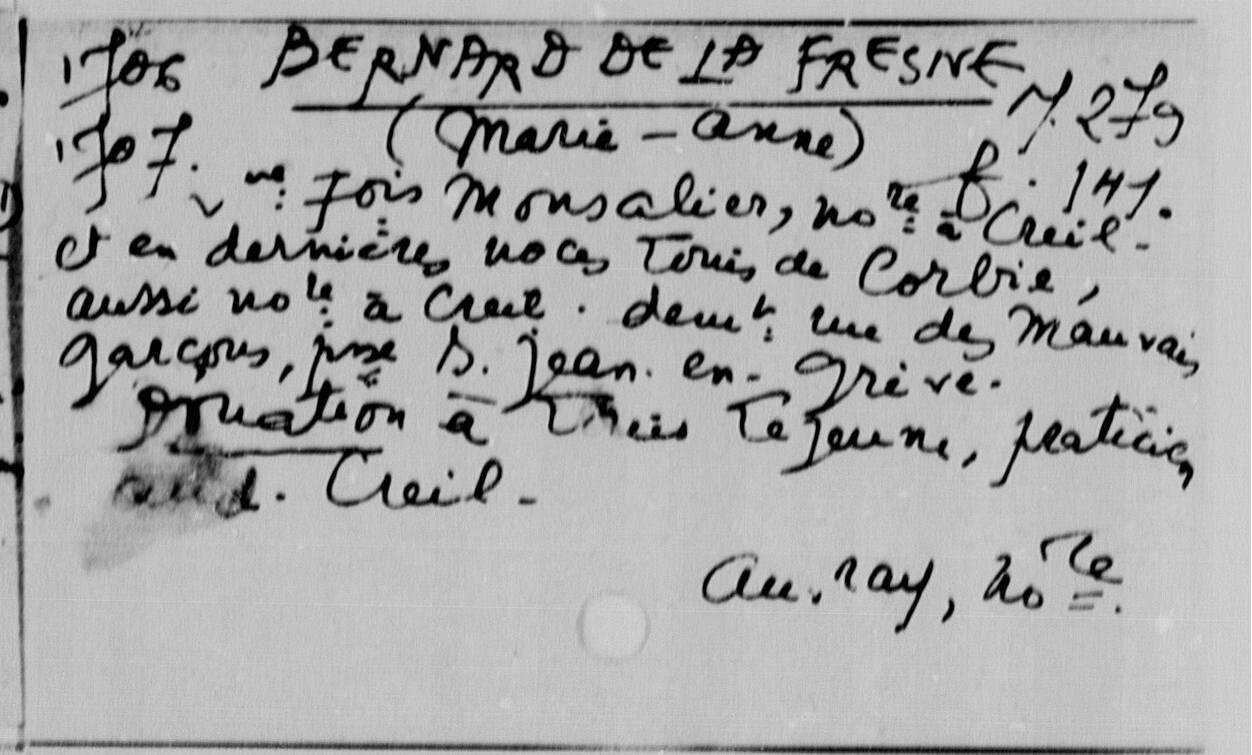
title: BERNARD DE LA FRESNE (Marie-Anne)
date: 1706-1707
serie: Y
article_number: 279
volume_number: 141
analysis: Veuve Fois Monsalier notaire à Creil et en dernières Noces Louis de Corbie, aussi notaire à Creil, demeurant rue des Mauvais Garçons, paroisse Saint-Jean-en-Grève. Donation à Louis Lejeune, praticien, audit Creil. Auvray, notaire.
